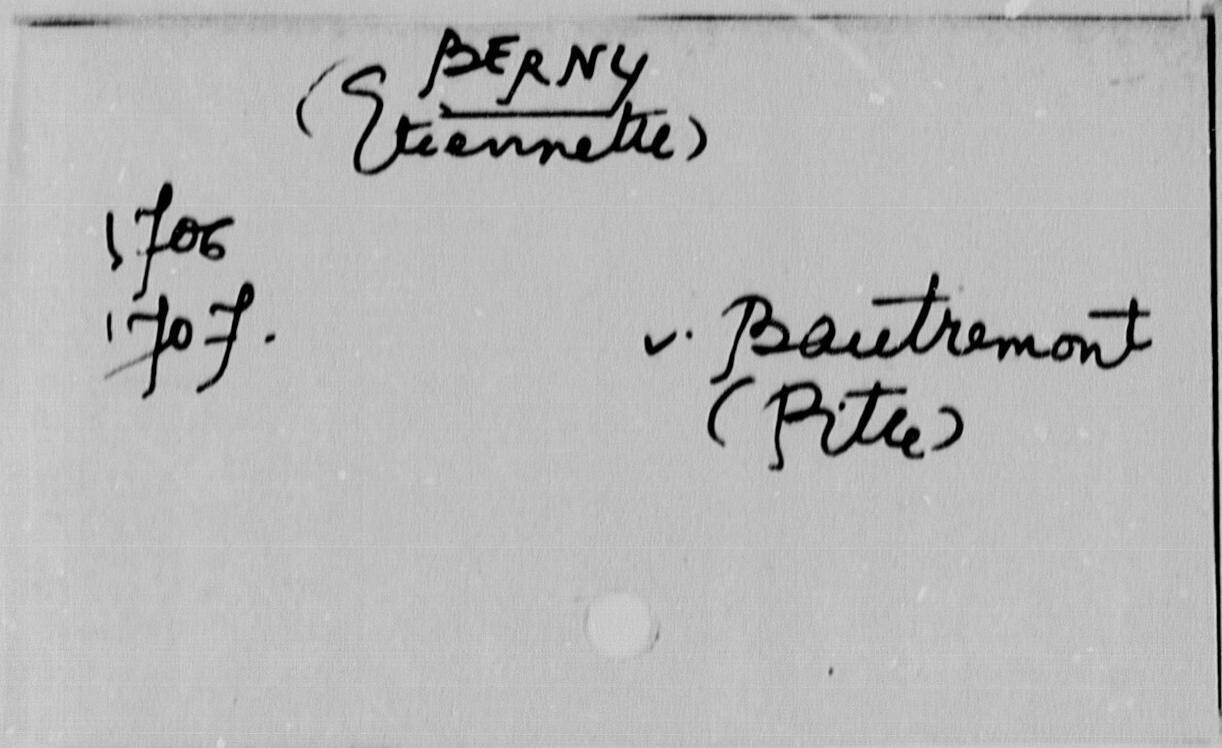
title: BERNY (Étiennette)
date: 1706-1707
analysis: Voir Bautremont (Pitre)
